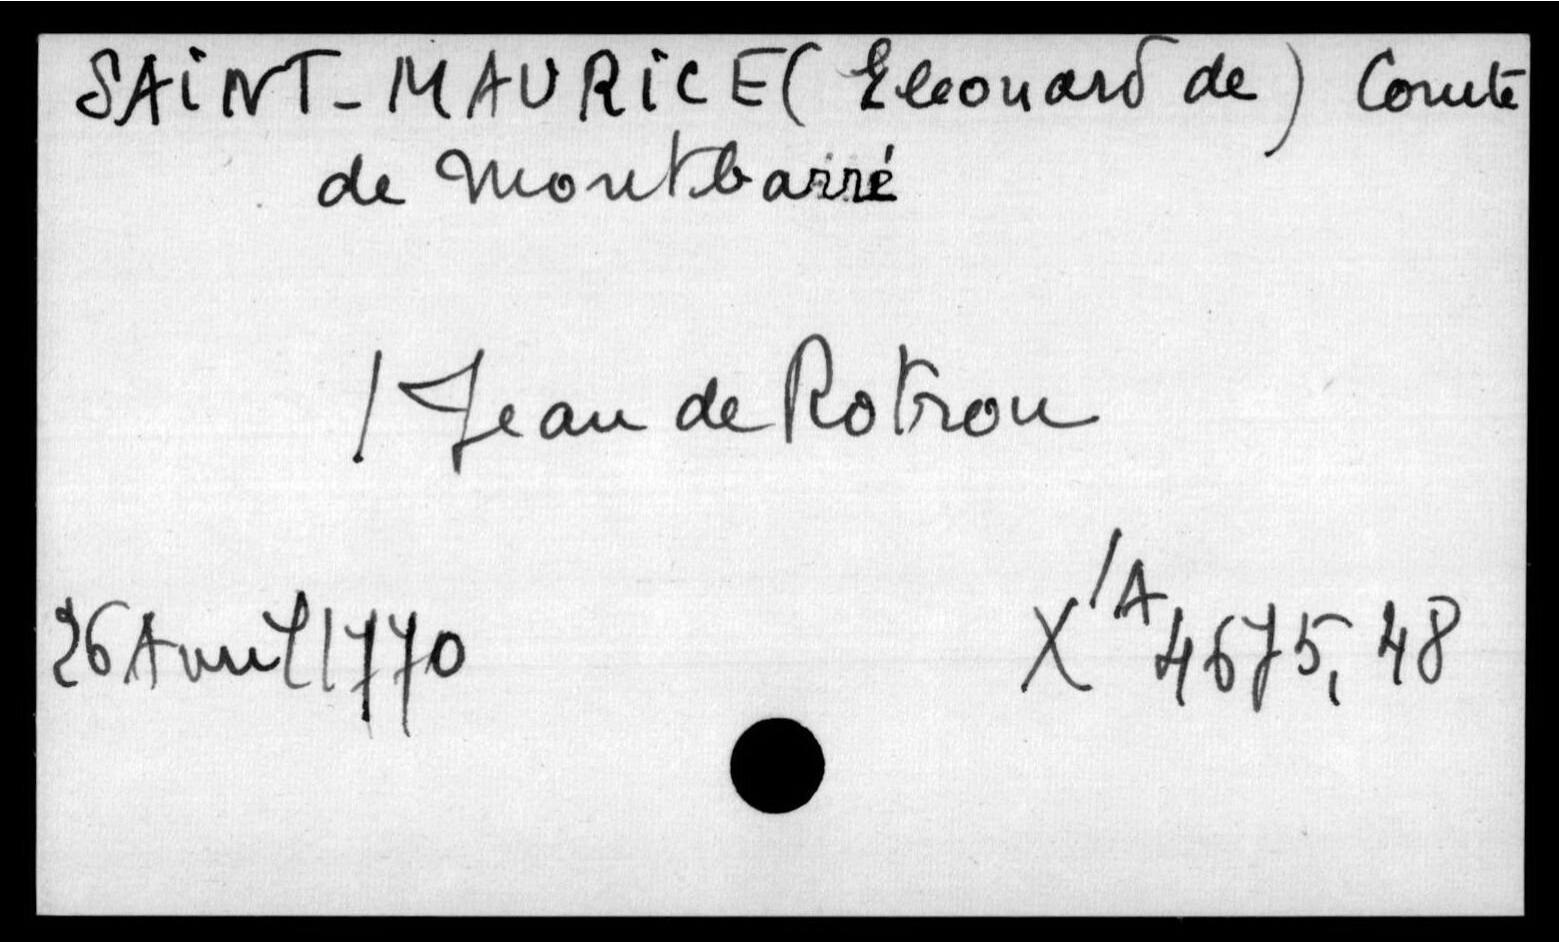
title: SAINT-MAURICE (Éléonard de) Comte de Montbarré
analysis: Contre Jean de Rotrou
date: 26 avril 1770
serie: X1A
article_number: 4675
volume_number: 48
